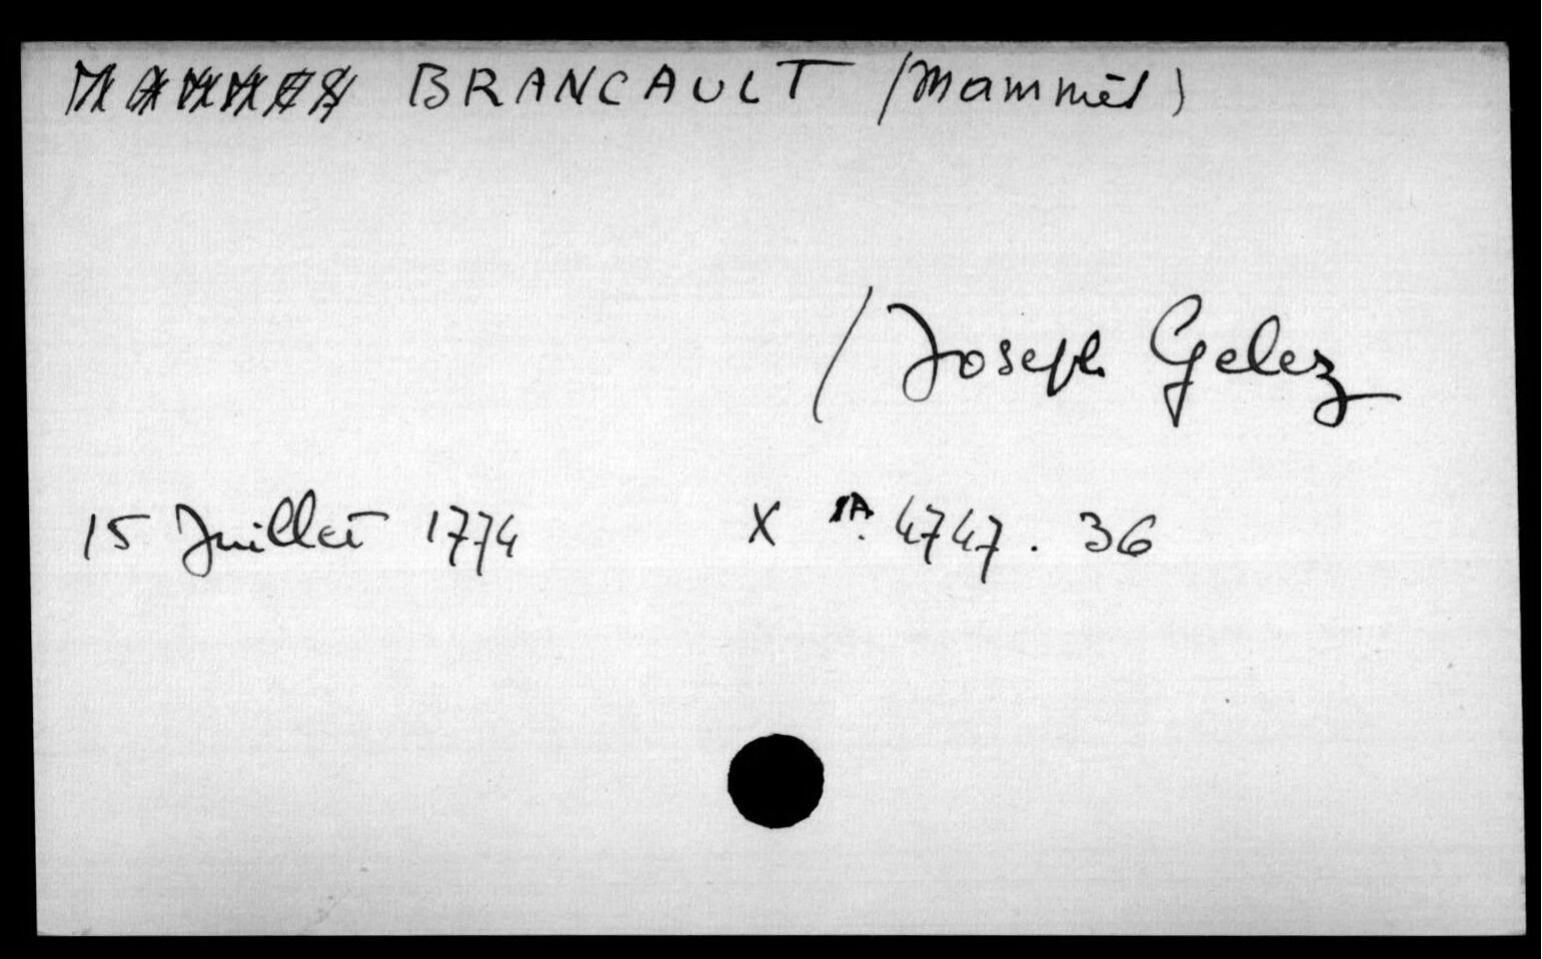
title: BRANCAULT (Mammès)
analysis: Contre Joseph Gelez
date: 15 juillet 1774
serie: X1A
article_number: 4747
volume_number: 36
